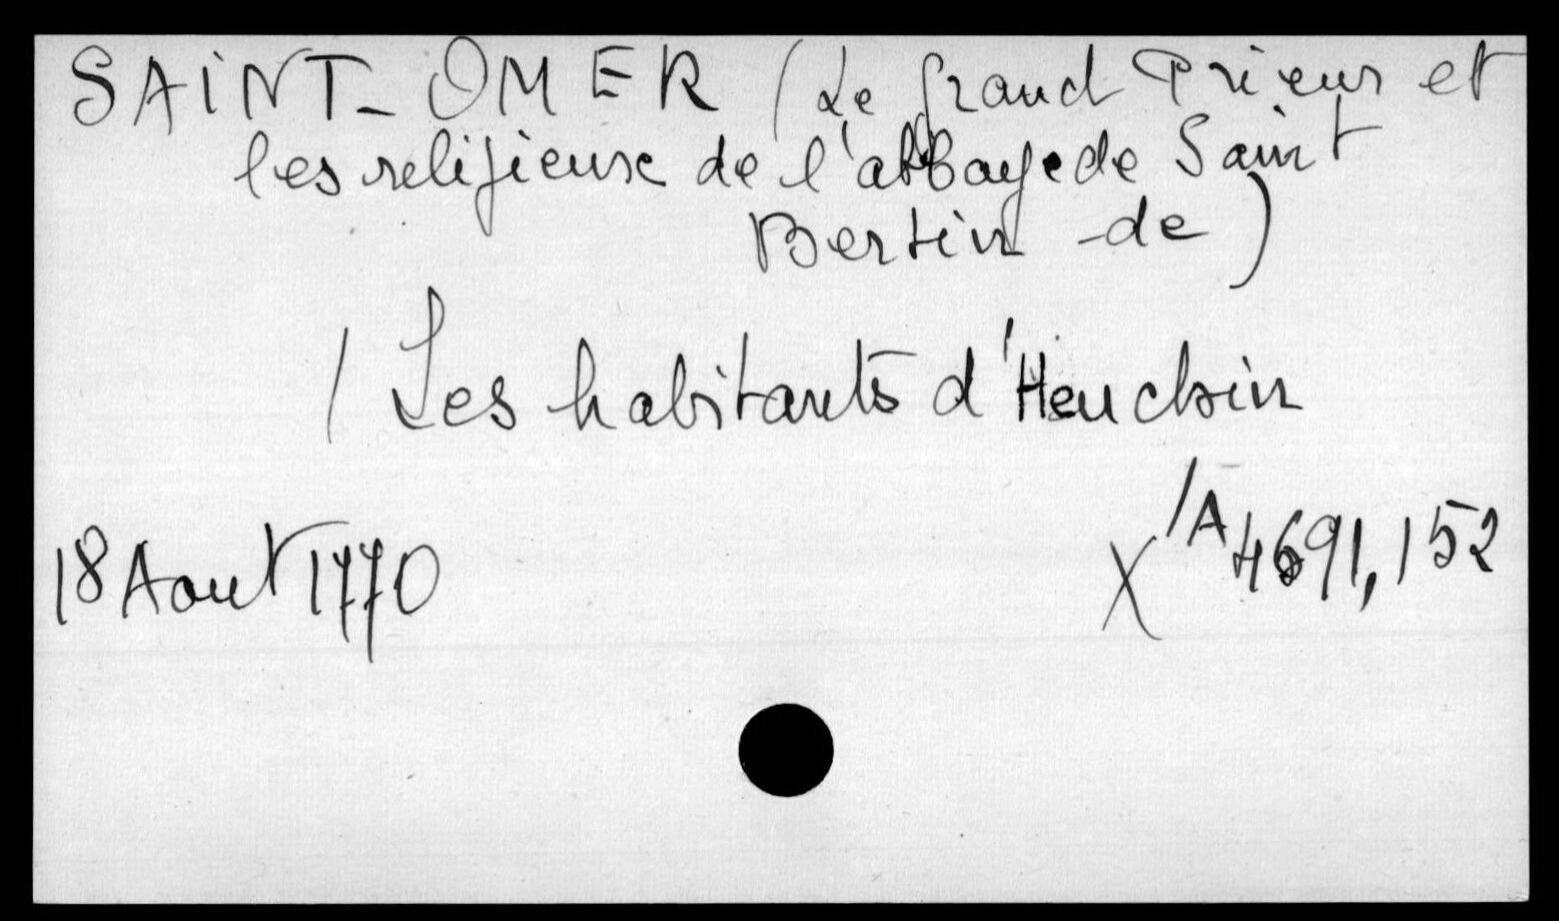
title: SAINT-OMER (Le grand Prieur et les religieux de l'abbaye de Saint-Bertin de )
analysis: Contre Les habitants d'Heuchin
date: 18 août 1770
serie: X1A
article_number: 4691
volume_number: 152
